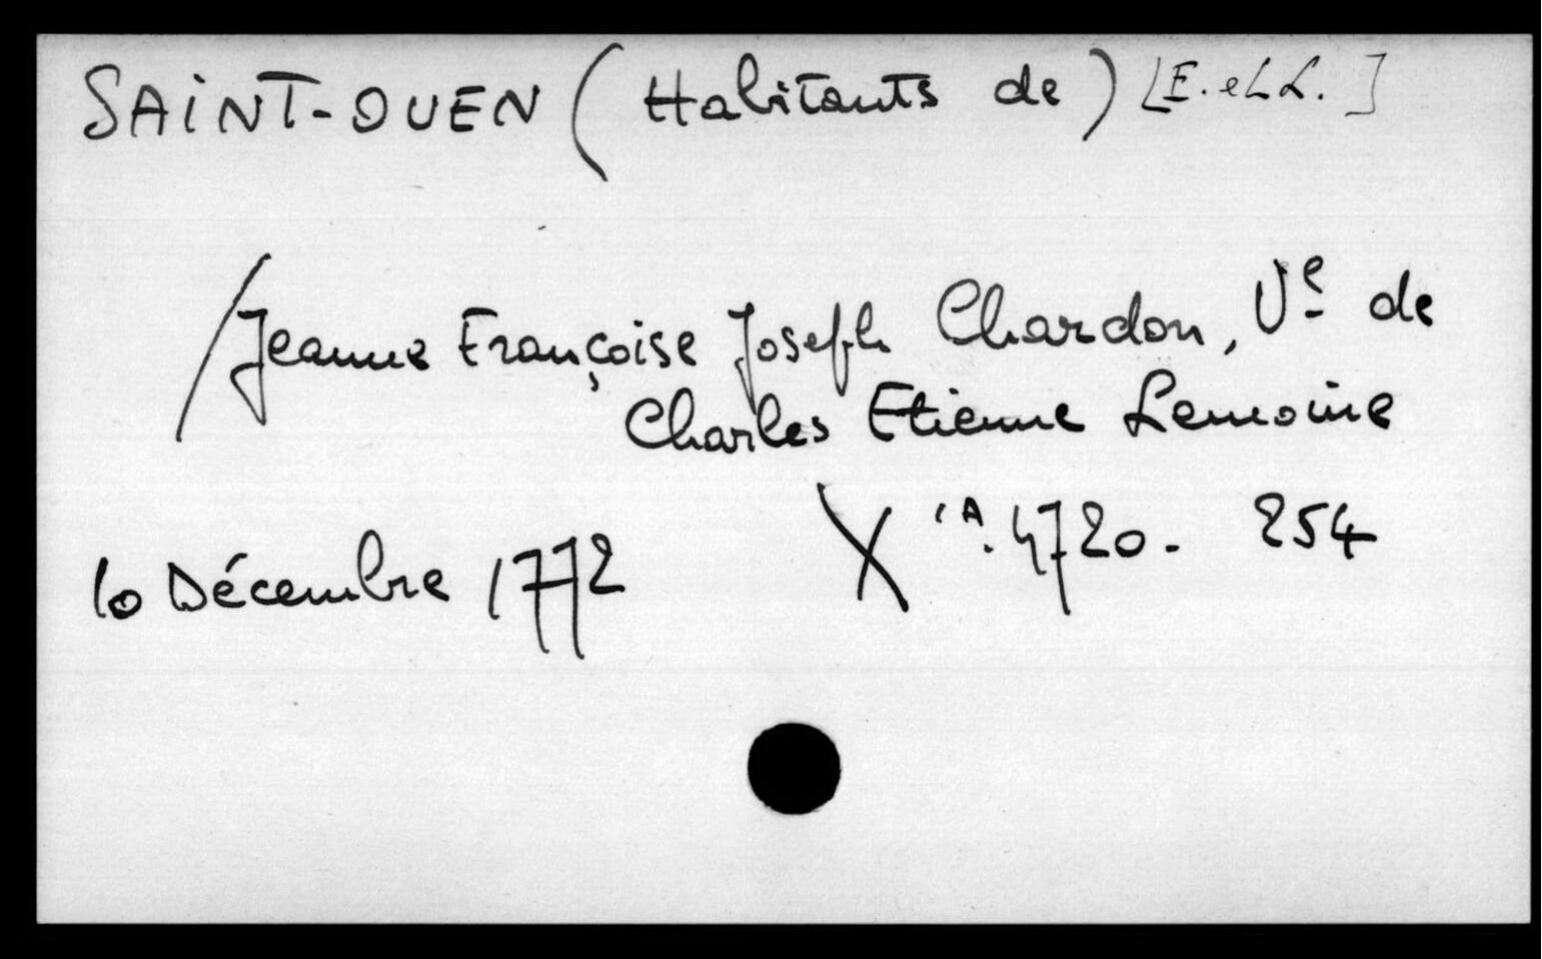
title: SAINT-OUEN (Habitants de) [Eure-et-Loir]
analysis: Contre Jeanne Françoise Joseph Chardon, veuve de Charles Étienne Lemoine
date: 10 décembre 1772
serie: X1A
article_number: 4720
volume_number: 254
